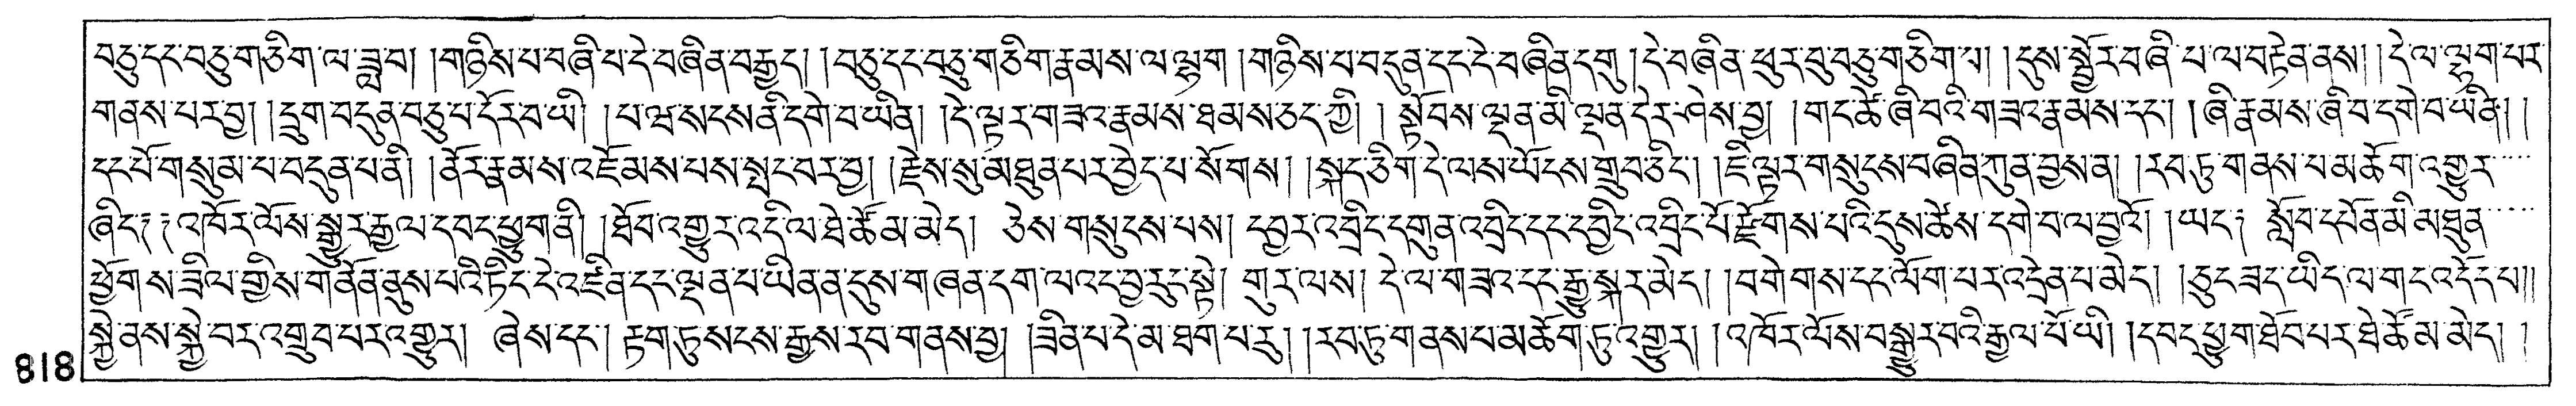བཅུ་དང་བཅུ་གཅིག་ལ་ཟླ་བ། །གཉིས་པ་བཞི་པ་དེ་བཞིན་བརྒྱད། །བཅུ་དང་བཅུ་གཅིག་རྣམས་ལ་ལྷག །གཉིས་པ་བདུན་དང་དེ་བཞིན་དགུ །དེ་བཞིན་ཕུར་བུ་བཅུ་གཅིག་པ། །དུས་སྦྱོར་བཞི་པ་ལ་བརྟེན་ནས། །དེ་ལ་ལྷག་པར་
གནས་པར་བྱ། །དྲུག་བདུན་བཅུ་པ་དོར་བ་ཡི། །པ་ཝ་སངས་ནི་དགེ་བ་ཡིན། །དེ་ལྟར་གཟའ་རྣམས་ཐམས་ཅད་ཀྱི། །སྟོབས་ལྡན་མི་ལྡན་དེར་ཤེས་བྱ། །གང་ཚེ་ཞི་བའི་གཟའ་རྣམས་དང་། །ཞི་རྣམས་ཞི་བ་དགེ་བ་ཡིན། །
དང་པོ་གསུམ་པ་བདུན་པ་ནི། །ནོར་རྣམས་འཇོམས་པས་སྤང་བར་བྱ། །རྗེས་སུ་མཐུན་པར་བྱེད་པ་སོགས། །སྐད་ཅིག་དེ་ལས་ཡོངས་གྲུབ་ཅིང་། །ཇི་ལྟར་གསུངས་བཞིན་ཀུན་བྱས་ན། །རབ་ཏུ་གནས་པ་མཆོག་འགྱུར་
ཞིང་། །འཁོར་ལོས་སྒྱུར་རྒྱལ་དབང་ཕྱུག་ནི། །ཐོབ་འགྱུར་འདི་ལ་ཐེ་ཚོམ་མེད། ཅེས་གསུངས་པས། དབྱར་འབྲིང་དགུན་འབྲིང་དང་དབྱིང་འབྲིང་པོ་རྫོགས་པའི་དུས་ཚེས་དགེ་བ་ལ་བྱའོ། །ཡང་། སློབ་དཔོན་མི་མཐུན་
ཕྱོགས་ཟིལ་གྱིས་གནོན་ནུས་པའི་ཏིང་ངེ་འཛིན་དང་ལྡན་པ་ཡིན་ན་དུས་གཞན་དག་ལའང་བྱ་རུང་སྟེ། གུར་ལས། དེ་ལ་གཟའ་དང་རྒྱུ་སྐར་མེད། །བགེགས་དང་ལོག་པར་འདྲེན་པ་མེད། །ཅུང་ཟད་ཡིད་ལ་གང་འདོད་པ། །
སྐྱེ་ནས་སྐྱེ་བར་འགྲུབ་པར་འགྱུར། ཞེས་དང་། །རྟག་ཏུ་སངས་རྒྱས་རབ་གནས་བྱ། །ཟིན་པ་དེ་མ་ཐག་པ་རུ། །རབ་ཏུ་གནས་པ་མཆོག་ཏུ་འགྱུར། །འཁོར་ལོས་བསྒྱུར་བའི་རྒྱལ་པོ་ཡི། །དབང་ཕྱུག་ཐོབ་པར་ཐེ་ཚོམ་མེད། །